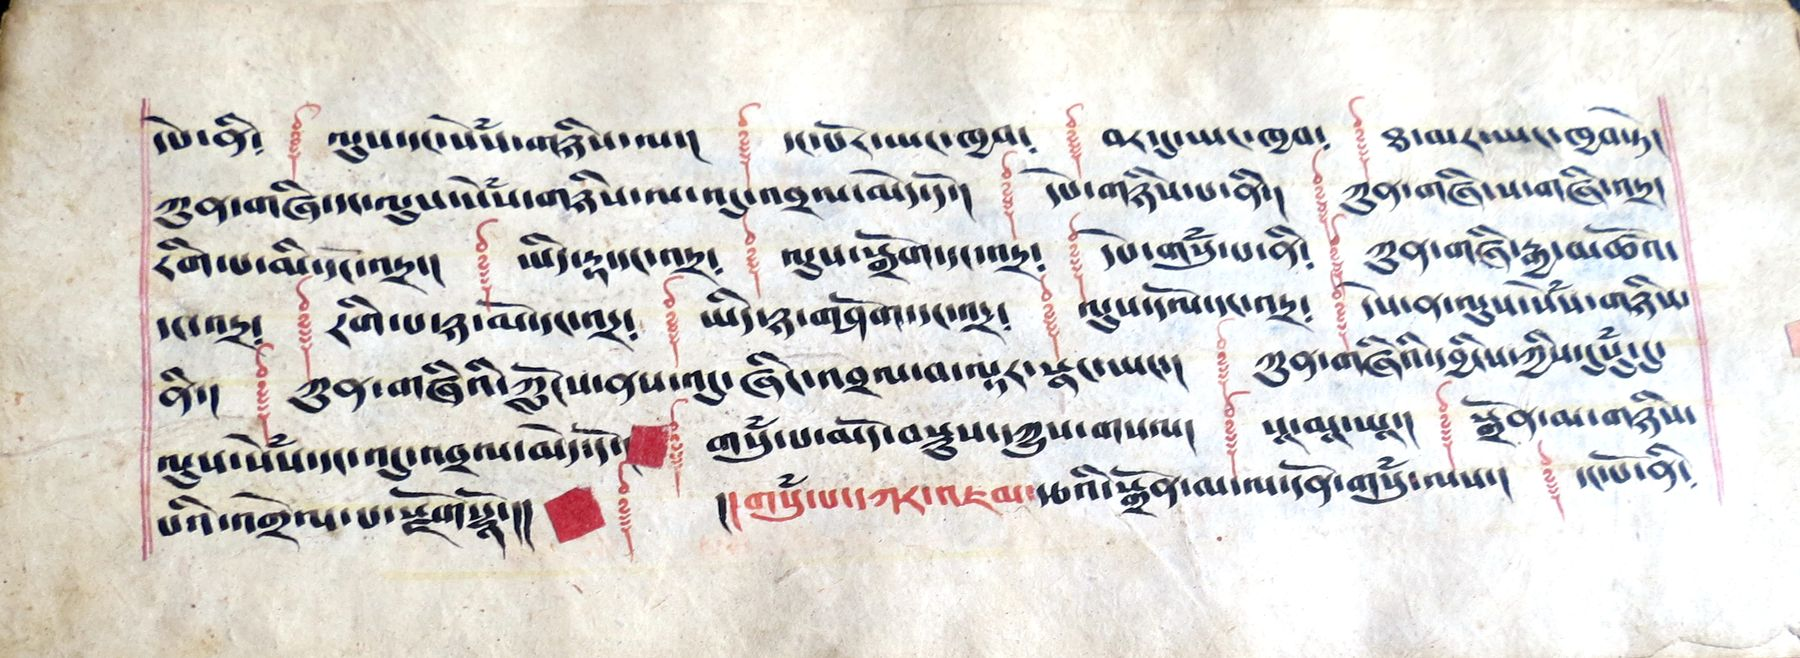དཔེ་ནི། ལུས་དང་སེམས་གཉིས་ལ། དང་པོར་ཡང་ཁྱབ་བར་དུ་ཡང་ཁྱབ་ཐ་མ་ཡང་ཁྱབ་སྟེ། 
ཀུན་གཞི་དང་ལུས་སེམས་གཉིས་ལ་འདུ་འབྲལ་མེད་དོ། །དཔེ་གཉིས་པ་ནི། ཀུན་གཞི་ས་གཞི་དང་འདྲ། 
རིག་པ་མི་དང་འདྲ། ཡིད་རྟ་དང་འདྲ། ལུས་སྒྲོག་དང་འདྲ། དཔེ་གསུམ་པ་ནི། ཀུན་གཞི་རྒྱ་མཚོ་
དང་འདྲ། རིག་པ་ཉ་མོ་དང་འདྲ། ཡིད་ཉ་གཤོག་འདྲ། ལུས་དོལ་དང་འདྲ། དེས་ན་ལུས་སེམས་གཉིས་
ནི། ཀུན་གཞིའི་ཀློང་ན་འདུས་ཞིང་འབྲལ་བ་ལྟར་སྣང་ཡང་། ཀུན་གཞིའི་དབྱིངས་ཀྱི་དུས་གསུམ་དུ་
ལུས་སེམས་དང་འདུ་འབྲལ་མེད་དོ། །གསུམ་པ་མདོར་བསྡུ་དཀྱུས་གསལ། ས་མ་ཡ། སྒྲོན་མ་གཉིས་
པའི་འབྲེལ་བ་རྫོགས་སོ། །ཉ༽ གསུམ་པ། དཀར་འཇམ་རྩའི་སྒྲོན་མ་ལ་དོན་གསུམ་ལས། དང་པོ་ནི།